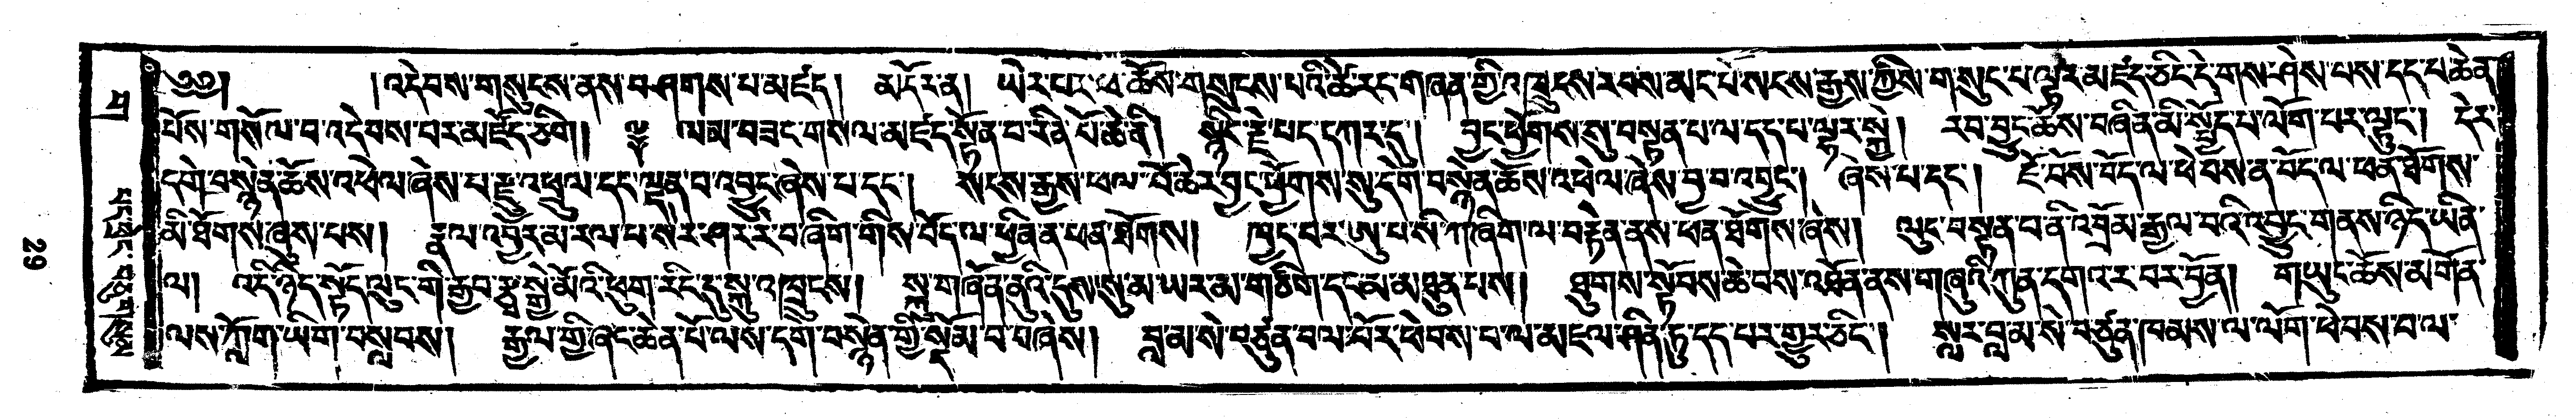༄༅། །འདེབས་གསུངས་ནས་བཤགས་པ་མཛད། མདོར་ན། ཡེར་པར་ཕ་ཆོས་གསུངས་པའི་ཚེ་རང་གཞན་གྱི་འཁྲུངས་རབས་མང་པོ་སངས་རྒྱས་ཀྱིས་གསུངས་པ་ལྟར་མཛད་ཅིང་དེ་གས་ཤེས་པས་དད་པ་ཆེན་
པོས་གསོལ་བ་འདེབས་པར་མཛོད་ཅིག། ༈ ལམ་བཟང་གསལ་མཛད་སྟོན་པ་རིན་པོ་ཆེ་ནི། སྙིང་རྗེ་པད་དཀར་དུ། བྱང་ཕྱོགས་སུ་བསྟན་པ་ལ་དད་པ་ལྷར་སྐྱེ། རབ་བྱུང་ཆོས་བཞིན་མི་སྤྱོད་པ་ལོག་པར་ལྟུང་། དེར་
དགེ་བསྙེན་ཆོས་འཕེལ་ཞེས་པ་རྫུ་འཕྲུལ་དང་ལྡན་པ་འབྱུང་ཞེས་པ་དང་། སངས་རྒྱས་ཕལ་པོ་ཆེར་བྱང་ཕྱོགས་སུ་དགེ་བསྙེན་ཆོས་འཕེལ་ཞེས་བྱ་བ་འབྱུང་། ཞེས་པ་དང་། ཇོ་བོས་བོད་ལ་ཕེབས་ན་བོད་ལ་ཕན་ཐོགས་
མི་ཐོགས་ཞུས་པས། རྣལ་འབྱོར་མ་རལ་པ་སེར་ཤར་རེ་བ་ཞིག་གིས་བོད་ལ་ཕྱིན་ན་ཕན་ཐོགས། ཁྱད་པར་ཨུ་པ་སི་ཀ་ཞིག་ལ་བརྟེན་ནས་ཕན་ཐོགས་ཞེས། ལུང་བསྟན་པ་ནི་འབྲོམ་རྒྱལ་བའི་འབྱུང་གནས་ཉིད་ཡིན་
ལ། འདི་ཉིད་སྟོད་ལུང་གི་རྒྱབ་རྩྭ་སྒྱེ་མོའི་ཕུག་རིང་དུ་སྐུ་འཁྲུངས། སྐུ་གཞོན་ནུའི་དུས་སུ་མ་ཡར་མ་གཅིག་དང་མ་མཐུན་པས། ཐུགས་སྟོབས་ཆེ་བས་འཐོན་ནས་གཞུའི་ཀུན་དགའ་ར་བར་བྱོན། གཡུང་ཆོས་མགོན་
ལས་ཀློག་ཡིག་བསླབས། རྒྱལ་གྱི་ཞང་ཆེན་པོ་ལས་དགེ་བསྙེན་གྱི་སྡོམ་པ་བཞེས། བླ་མ་སེ་བཙུན་བལ་པོར་ཕེབས་པ་ལ་མཇལ་ཤིན་ཏུ་དད་པར་གྱུར་ཅིང་། སླར་བླ་མ་སེ་བཙུན་ཁམས་ལ་ལོག་ཕེབས་བ་ལ་